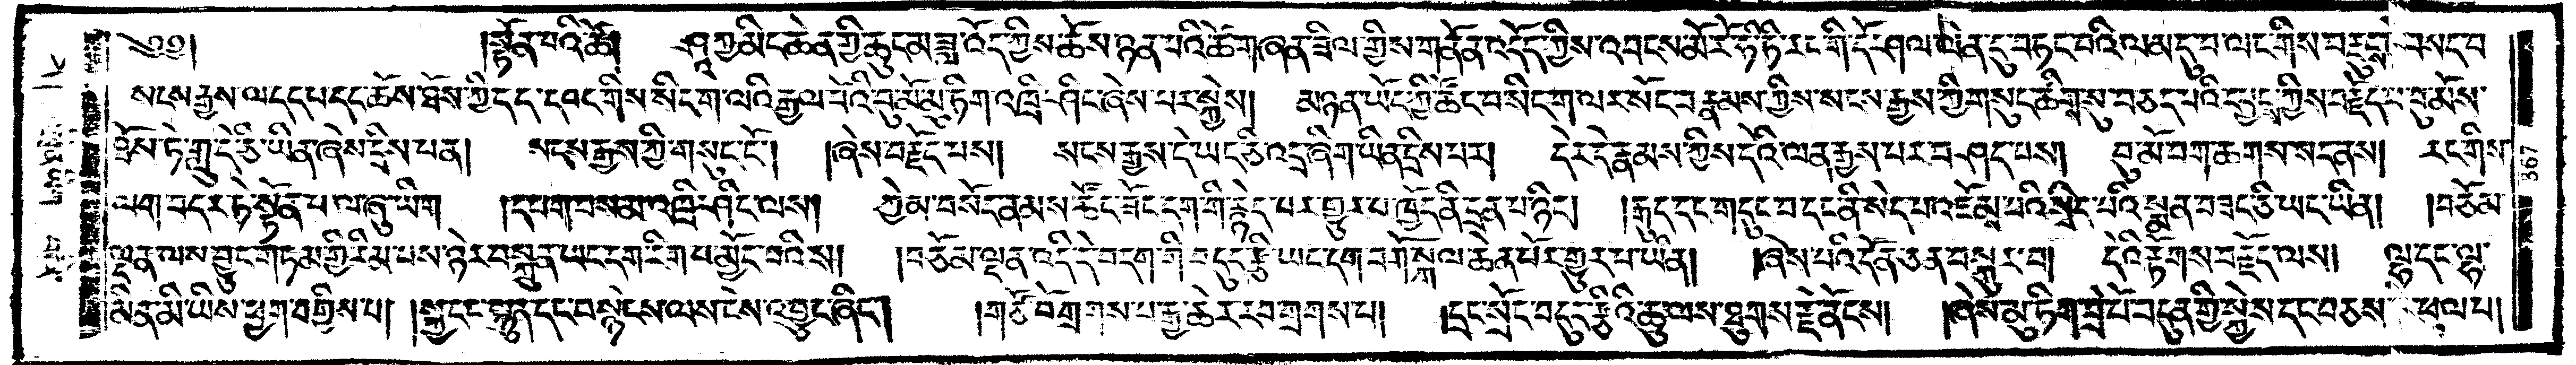༄༅། །སྟོན་པའི་ཚེ། ཤཱཀྱ་མིང་ཆེན་གྱི་ཆུང་མ་ཟླ་འོད་ཀྱིས་ཆོས་ཉན་པའི་ཚེ་གཞན་ཟིལ་གྱིས་གནོད་འདོད་ཀྱི་འབངས་མོ་རོ་ཧི་ཏི་རང་གི་དོ་ཤལ་ལན་དུ་བཏང་བའི་ལམ་དུ་བ་ལང་གིས་བརྡུངས?་བསང་བ་
སངས་རྒྱས་ལ་དད་པ་དང་ཆོས་ཐོས་ཀྱི་དད་དབང་གིས་སིང་ག་ལའི་རྒྱལ་པོའི་བུ་མོ་མུ་ཏིག་འཁྲི་ཤིང་ཞེས་པར་སྐྱེས། མཉན་ཡོང་ཀྱི་ཚོང་བསིང་ག་ལར་སོང་བ་རྣམས་ཀྱིས་སངས་རྒྱས་ཀྱི་གསུང་ཚིགས་སུ་བཅད་པའི་དཔྱད་ཀྱིས་བརྗོད་པ་བུ་མོས་
བྲོས་ཏེ་གླུ་དེ་ཅི་ཡིན་ཞེས་དྲིས་པན། སངས་རྒྱས་ཀྱི་གསུང་ངོ། །ཞེས་བརྗོད་པས། སངས་རྒྱས་དེ་ཡང་ཅི་འདྲ་ཞིག་ཡིན་དྲིས་པར། དེར་དེ་རྣམས་ཀྱིས་དེའི་ལན་རྒྱས་པར་བཤད་པས། །བུ་མོ་བག་ཆགས་སད་ནས། རང་གིས་
ལག་བདར་ཏེ་སྟོན་པ་ལ་ཞུ་ཡིག །དཔག་བསམ་འཁྲི་ཤིང་ལས། ཀྱེ་མ་བསོད་ནམས་ཚོང་ཟོང་དག་གི་རྙེད་པར་གྱུར་པ་ཁྱོད་ནི་དྲན་པན་ཉིད། །རྒུད་དང་གདུང་བདང་ནི་སེད་པ་འཇོམས་པའི་སྲིད་པའི་སྨན་བང་ཅི་ཡང་ཡིན། །བཅོམ་
ལྡན་ལས་བྱུང་གཏམ་གྱི་རིམ་པས་ཉེར་བསྐྲུན་ཡང་དག་རིག་པ་མྱོང་བའི་ས། །བཅོམ་ལྡན་འདི་དེ་བདག་གི་བདུང་རྩི་ཡང་དག་བགོ་སྐལ་ཆེན་པོར་གྱུར་པ་ཡིན། །ཞེས་པའི་དོན་ཅན་བསྐུར་བ། དེའི་རྟོགས་བརྗོད་ལས། །ལྷ་དང་ལྷ་
མིན་མི་ཡིས་ཕྱག་བགྱིས་པ། སྐྱ་དང་སྙུན་དང་བསྙེངས་ལས་ངེས་འབྱུང་ཞིང་། །གཙོ་བོ་གྲགས་པ་རྒྱ་ཆེར་རབ་གྲགས་པ། །དྲང་སྲོང་བདུད་རྩིའི་ཆུ་ལས་ཐུགས་རྗེ་ནོངས་།ཞེས་མུ་ཏིག་བྲེ་པོ་བདུན་གྱི་སྐྱེས་དང་བཅས་འཕུལ?་པ།